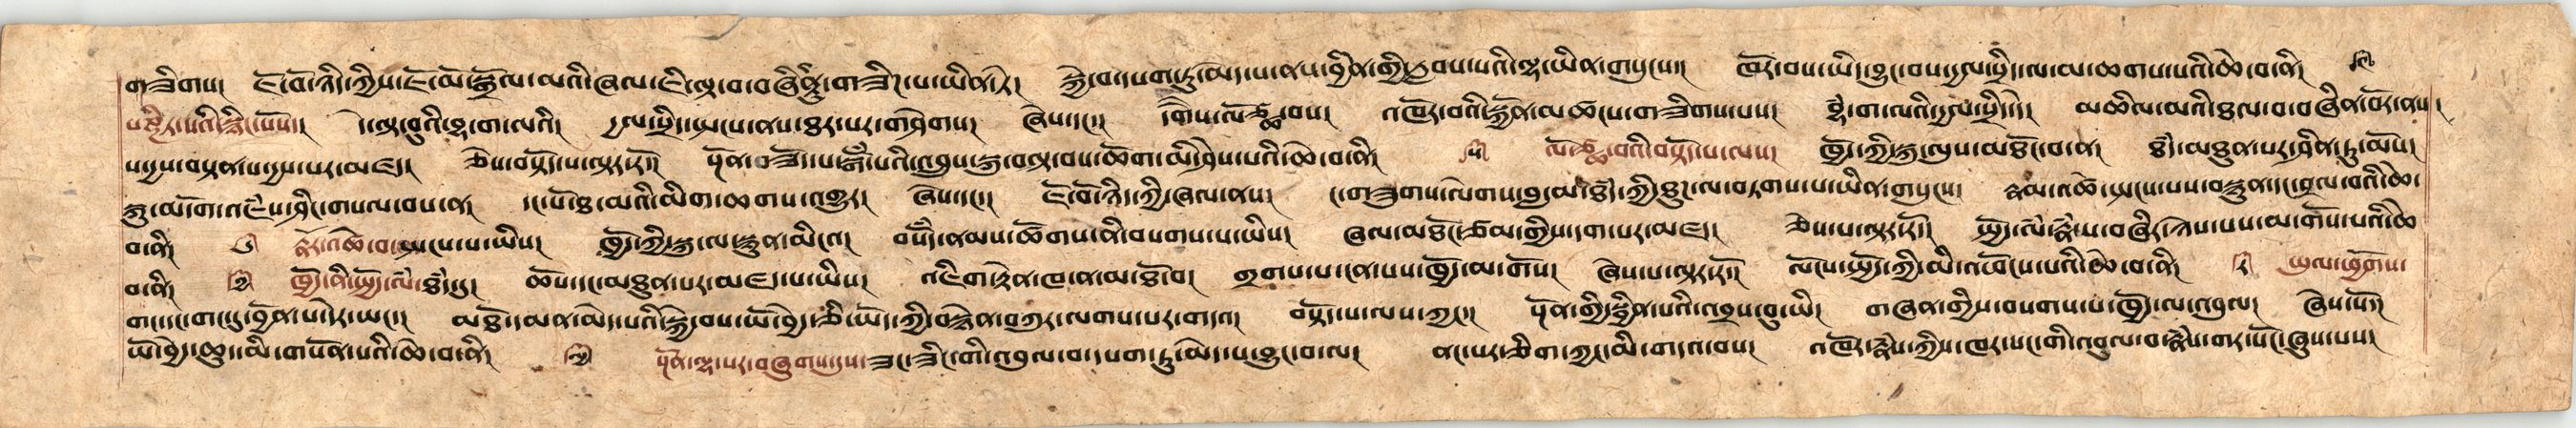གཟིགས། ཇོ་བོ་ཉིད་ཀྱིས་ཇོ་མོ་སྒྲོལ་མའི་ཞལ་ཇི་ལྟ་བ་བཞིནུ་གཟིཌ་པ་ཡིན་ཏེ། སྐྱེ་བ་དཔག་ཏུ་མེད་པ་ནས་བྱིན་གྱི་རླབས་པའི་ལྷ་ཡིན་གསུངས་། ཁོར་བས་ཡིད་བྱུང་བས་དྱལ་སྲིད་ལ་མ་ཆགས་པའི་ཆེ་བ་ནི།
པཎྜིཏ་སའི་སྙིང་པོས་། དེ་ལྟ་བུའི་བྷ་ག་ལའི། དྱལ་སྲིད་སྤངས་ནས་ཐར་པར་གཤེགས། ཞེས་དང་། དགེཻས་ལོཙྪ་བས། འཁོར་བའི་སྐྱོན་མཚངས་གཟིགས་པས། བྷཾ་ག་ལའི་དྱལ་སྲིད་དེ། མཆིལ་མའི་ཐལ་བ་བཞིན་བོར་ནས།
ས་དྱས་བསྟན་པ་དྱས་པར་མཛད། ཅེས་བསྟོད་པ་ལྟར་རོ། སྔོན་བཟོད་པ་བསྒོཾ་པའི་འབྲུས་སྐུ་བལྟ་བས་ཆོག་མི་ཤེས་པའི་ཆེ་བ་ནི། ༼༥༽ ལོ་ཙྪ་བའི་བསྟོད་པ་ལས། ཁྱོད་ཀྱི་སྐུ་ལུས་མཐོང་བ་ན། ཐཾད་མཐུན་པར་ཤིན་ཏུ་མོས།
སྐུ་མདོག་འཇཾས་ཤིང་གསལ་བས་ན། དང་པོ་ཐ་མའི་མིག་ཆགས་འགྱུར། ཞེས་དང་། ཇོ་བོ་ཉིད་ཀྱི་ཞལ་ནས། ང་གཟུགས་ལེགས་བླ་མ་ཐཾད་ཀྱི་ཐུཌ་ལ་བཏགས་པ་ཡིན་གསུངས། རྣམ་འཚེ་སྤངས་པས་བསྙུན་དང་བྲལ་བའི་ཆེ་
བ་ནི། ༼༦༽ རྣཾར་འཚེ་བ་སྤངས་པ་ཡིས། ཁྱོད་ཀྱི་སྐུ་ལ་སྙུན་མིངའ། བསོཾད་ནམས་ཚོགས་ནི་བསགས་པ་ཡིས། ཞལ་མཐོང་ཙམ་གྱིས་དག་པར་མཛད། ཅེས་པ་ལྟར་རོ། སྤྱོད་ལཾ་རྣཾ་པ་བཞིར་ཉེས་པས་མ་གོས་པའི་ཆེ
བ་ནི། ༼༧ ༽ ཁྱོད་ནི་སྤྱོད་ལཾ་ཐཾད་དུ། ཆོས་དང་མཐུན་པར་མཛད་པཡིས། འཇིག་རྟེན་ཁ་ན་མ་ཐོ་བ། གྲགས་པ་ངན་པས་ཁྱོད་མ་གོས། ཞེས་པ་ལྟར་རོ། ལོངས་སྤྱོད་ཀྱི་མི་འཕོངས་པའི་ཆེ་བ་ནི། ༼༨༽ ཡུལ་ཕྱོགས་
གང་དང་གང་དུ་བྱོན་པ་དེར་ཡང་། མཐོ་དམན་མེད་པའི་སྐྱེ་བས་ཡོ་བྱད་ཅི་ཡོད་ཀྱི་བསྙེན་བཀུར་ལགས་པར་གདའ། བསྟོད་པ་ལས་ཀྱང་། སྔོན་གྱི་སྦྱིན་པའི་འབྲས་བུ་ཡི། གཞན་གྱིས་བསགས་པ་ཁྱོད་ལ་འབུལ། ཞེས་སོ་།
ཡོ་བྱེད་ཆུད་མི་གསོན་པའི་ཆེ་བ་ནི། ༼༧༽ སྔོན་ལྷ་སར་བཞུགས་དུས་ཟང་ཟིང་གི་འབུལ་བ་དཔག་ཏུ་མེད་པ་བྱུང་བ་ལ། ནང་པར་གཅིག་ཀྱང་མི་གདའ་བས། འཁོར་རྣཾས་ཀྱིས་ཁར་སང་གི་འབུལ་བ་རྣཾས་གར་སོང་ཞུས་པས།